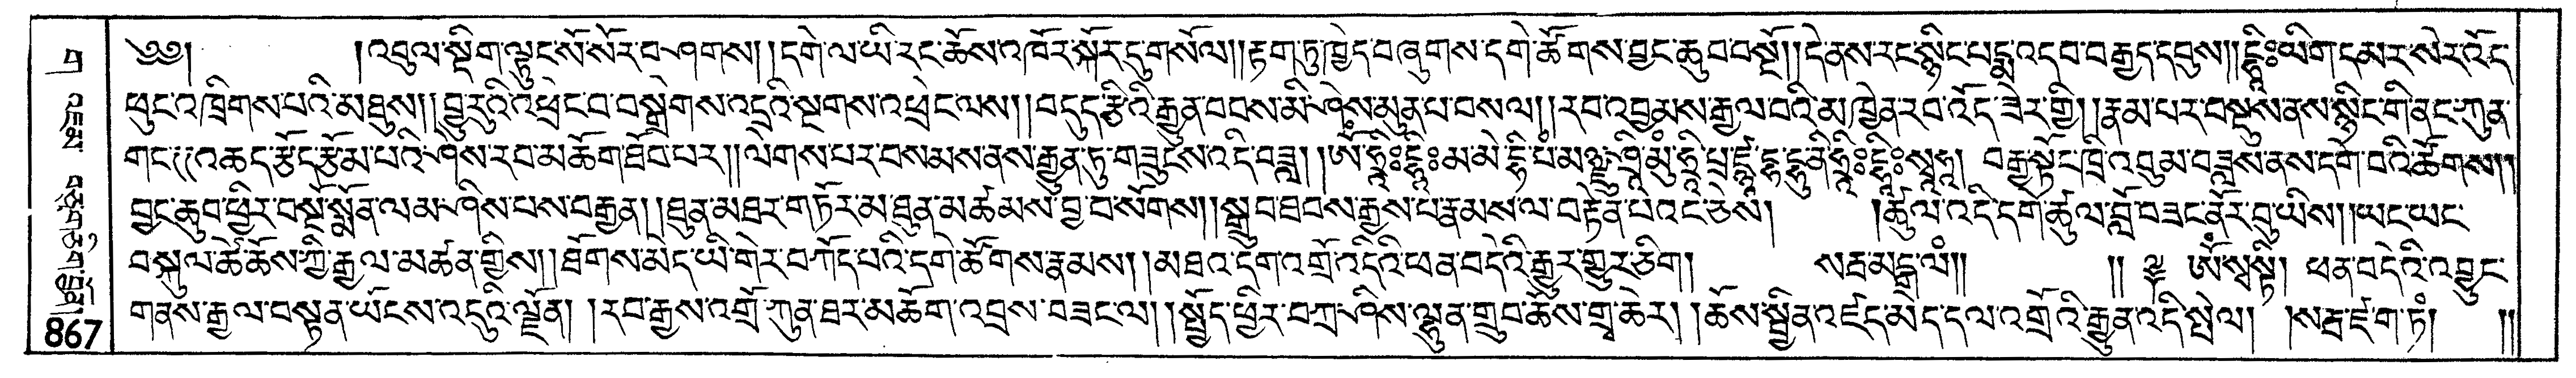༄༅། །འབུལ་སྡིག་ལྟུང་སོ་སོར་བཤགས། །དགེ་ལ་ཡི་རང་ཆོས་འཁོར་སྐོར་དུ་གསོལ། །རྟག་ཏུ་ཁྱེད་བཞུགས་དགེ་ཚོགས་བྱང་ཆུབ་བསྔོ། །དེ་ནས་རང་སྙིང་པདམ་འདབ་བརྒྱད་དབུས། །དྷཱིཿ ཡིག་དམར་སེར་འོད་
ཕུང་འཁྲིགས་པའི་མཐུས། །བྱུ་རུའི་འཕྲེང་བ་བསྒྲེགས་འདྲའི་སྔགས་འཕྲེང་ལས། །བདུད་རྩིའི་རྒྱུན་བབས་མི་ཤེས་མུན་པ་བསལ། །རབ་འབྱམས་རྒྱལ་བའི་མཁྱེན་རབ་འོད་ཟེར་གྱི། །རྣམ་པར་བསྡུས་ནས་སྙིང་གི་ནང་ཀུན་
གང༑ ༑འཆད་རྩོད་རྩོམ་པའི་ཤེས་རབ་མཆོག་ཐོབ་པར། །ལེགས་པར་བསམས་ནས་རྒྱུན་ཏུ་གཟུངས་འདི་བཟླ། །ཨོཾ་ཧྲཱིཿ དྷཱིཿ མ་མེ་དྷི་པཾ་མཉྫུ་ཤྲཱི་མུཾ་ཧྲཱི་པྲ་ཛྙཱ་དྷ་དྷུ་ནི་ཧྲཱིཿ དྷཱིཿ སྭཱཧཱ། བརྒྱ་སྟོང་ཁྲི་འབུམ་བཟླས་ནས་དགེ་བའི་ཚོགས།།
བྱང་ཆུབ་ཕྱིར་བསྔོ་སྨོན་ལམ་ཤིས་པས་བརྒྱན། །ཐུན་མཐར་གཏོར་མ་ཐུན་མཚམས་བྱ་བ་སོགས། །སྒྲུབ་ཐབས་རྒྱས་པ་རྣམས་ལ་བརྟེན་པའང་ཅེས། །ཚུལ་འདི་དགེ་ཚུལ་བློ་བཟང་ནོར་བུ་ཡིས། །ཡང་ཡང་
བསྐུལ་ཚེ་ཆོས་ཀྱི་རྒྱལ་མཚན་གྱིས། །ཐོགས་མེད་ཡི་གེར་བཀོད་པའི་དགེ་ཚོགས་རྣམས། །མཐའ་དག་འགྲོ་འདིའི་ཕན་བདེའི་རྒྱུར་གྱུར་ཅིག །སརྦ་མངྒ་ལཾ།། །།༈ ཨོཾ་སྭསྟི། ཕན་བདེའི་འབྱུང་
གནས་རྒྱལ་བསྟན་ཡོངས་འདུའི་ལྗོན། །རབ་རྒྱས་འགྲོ་ཀུན་ཐར་མཆོག་འབྲས་བཟང་ལ། །སྤྱོད་ཕྱིར་བཀྲ་ཤིས་ལྷུན་གྲུབ་ཆོས་གྲྭ་ཆེར། །ཆོས་སྦྱིན་འཛད་མེད་དལ་འགྲོའི་རྒྱུན་འདི་སྤེལ། །སརྦ་ཛ་ག་ཏཾ། །།